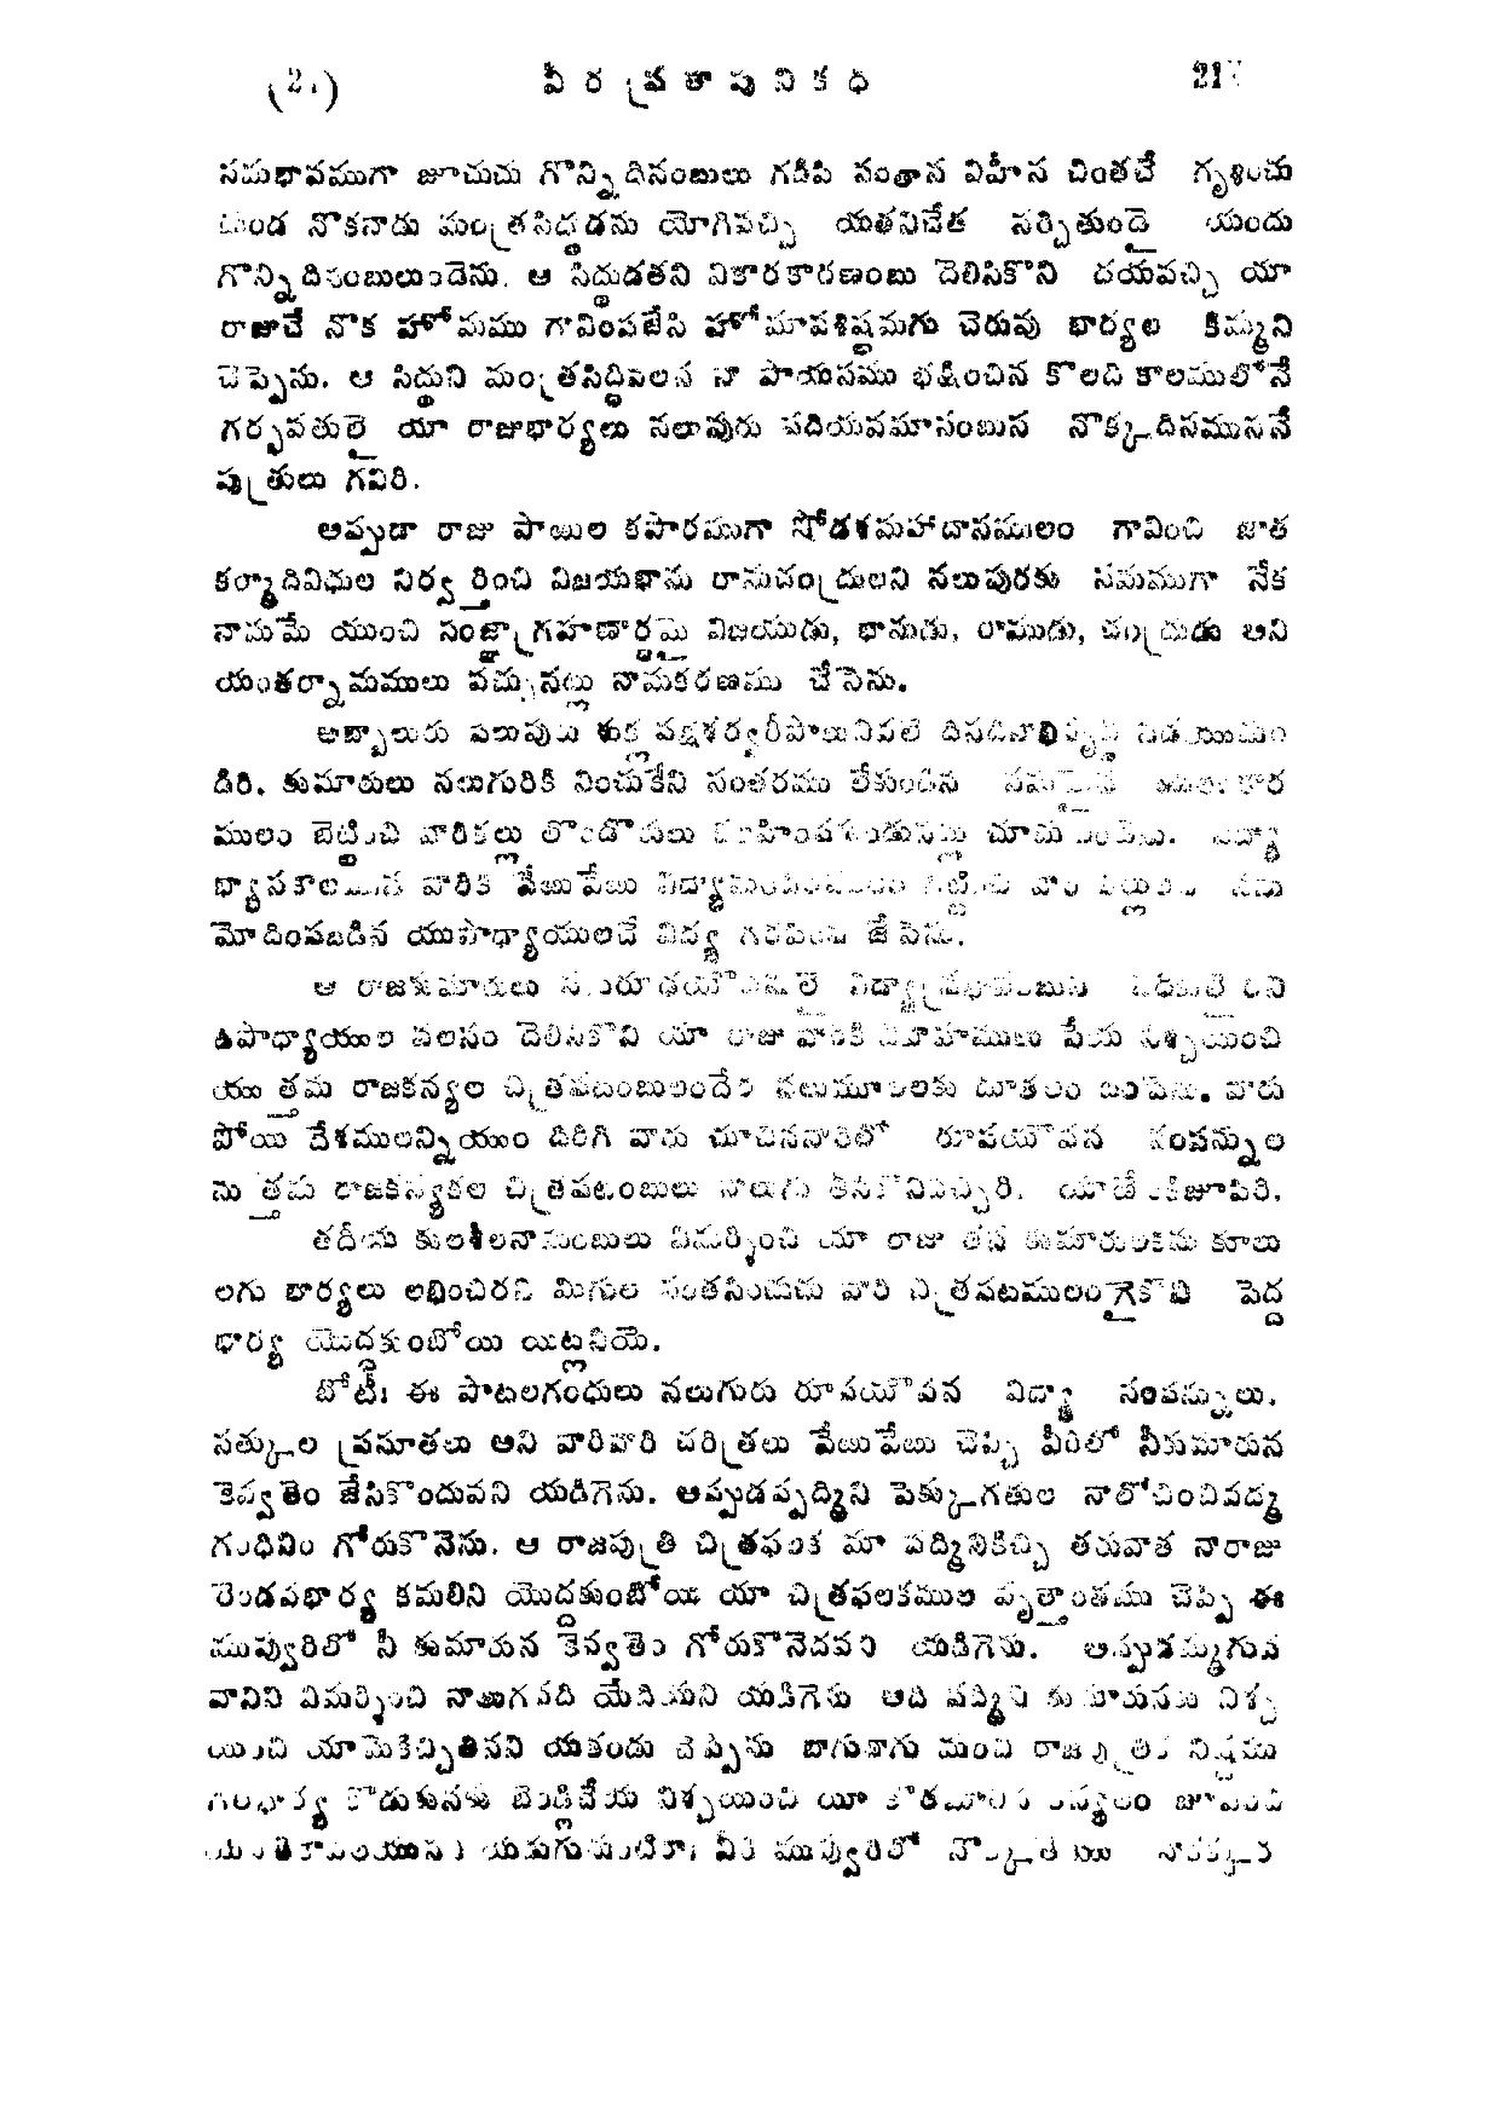సమభావముగా జూచుచు గొన్నిదినంబులు గడిపి సంతానవిహీనచింతచే గృశించుచుండ నొకనాడు మంత్రసిద్ధుడను యోగివచ్చి యతనిచేత నర్చితుండై యందు గొన్నిదినంబులుండెను. ఆ సిద్దుడతని విచారకారణంబు దెలిసికొని దయవచ్చి యా రాజుచే నొకహోమము గావింపజేసి హోమావశిష్టమగు చెరువు భార్యల కిమ్మని చెప్పెను. ఆ సిద్ధుని మంత్రసిద్దివలన నా పాయసము భక్షించిన కొలది కాలములోనే గర్భవతులై యా రాజుభార్యలు నలువురు పదియవమాసంబున నొక్క దిసముననే పుత్రులు గనిరి.

అప్పుడా రాజు పాఱుల కపారముగా షోడశమహాదానములం గావించి జాతకర్మాదివిధుల నిర్వర్తించి విజయభాను రామచంద్రులని నలువురకు సమముగా నేకనామమే యుంచి సంజ్ఞాగ్రహణార్ధమై విజయుడు, భానుడు, రాముడు, చంద్రుడు అని యంతర్నామములు వచ్చునట్లు నామకరణము చేసెను.

అబ్బాలురు పలువురు శుక్ల పక్షశర్వరీపాలునివలే దినదినాభివృద్ధి బడయుచుండిరి. కుమారులు నలుగురికి నించుకేని సంతరము లేకుండిన సమమైన యలంకారములం బెట్టించి వారికల్లు లొండొరులు కలహింపకుండునట్లు చూచుచుండెను. విద్యాభ్యాసకాలమున వారికి వేఱువేఱు విద్యామందిరములం గట్టించి వారి తల్లులచే ననుమోదింపబడిన యుపాధ్యాయులచే విద్య గరపింపజేసెను.

ఆ రాజకుమారులు సమరూఢయౌవనులై విద్యాప్రభావంబున నధికులైరని ఉపాధ్యాయుల వలనం దెలిసికొని యా రాజువారికి వివాహములు సేయ నిశ్చయించి యుత్తమరాజకన్యల చిత్రపటంబులందేర నలుమూలలకు దూతలం బంపెను. వారు పోయి దేశములన్నియుం దిరిగి వారు చూచినవారిలో రూపయౌపనసంపన్నుల నుత్తమరాజకన్యకల చిత్రపటంబులు నాలుగు తీసికొనివచ్చిరి. యాఱేనికి జూపిరి. 

తదీయ కులశీలనామంబులు విమర్శించి యా రాజు తన కుమారుల కనుకూలు లగు భార్యలు లభించిరని మిగుల సంతసించుచు వారి చిత్రపటములం గైకొని పెద్దభార్య యొద్దకుంబోయి యిట్లనియె.

బోటీ! ఈ పాటలగంధులు నలుగురు రూపయౌవనవిద్యాసంపన్నులు. సత్కుల ప్రసూతలు అని వారివారి చరిత్రలు వేఱువేఱు చెప్పి వీరిలో నీకుమారున కెవ్వతెం జేసికొందువని యడిగెను. అప్పు డప్పద్మిని పెక్కుగతుల నాలోచించి పద్మగంధినిం గోరుకొనెను. ఆ రాజపుత్రి చిత్రఫలక మా పద్మినికిచ్చి తరువాత నారాజు రెండవభార్య కమలిని యొద్దకుంబోయి యా చిత్రఫలకముల వృత్తాంతము చెప్పి ఈ మువ్వురిలో నీ కుమారున కెవ్వతెం గోరుకొనెదవని యడిగెను. అప్పు డమ్మగువ వానిని విమర్శించి నాలుగవది యేదియని యడిగెను అది పద్మిని కుమారునకు నిశ్చయించి యామె కిచ్చితినని యతండు చెప్పెను బాగుబాగు మంచి రాజపుత్రిక నిష్టముగలభార్య కొడుకునకు బెండ్లిచేయ నిశ్చయించి యీ కొరమాలిన కన్యలం జూపించి యెవతెకావలయునని యడుగుచుంటిరా? వీరి మువ్వురిలో నొక్కతెయు నాకక్కర